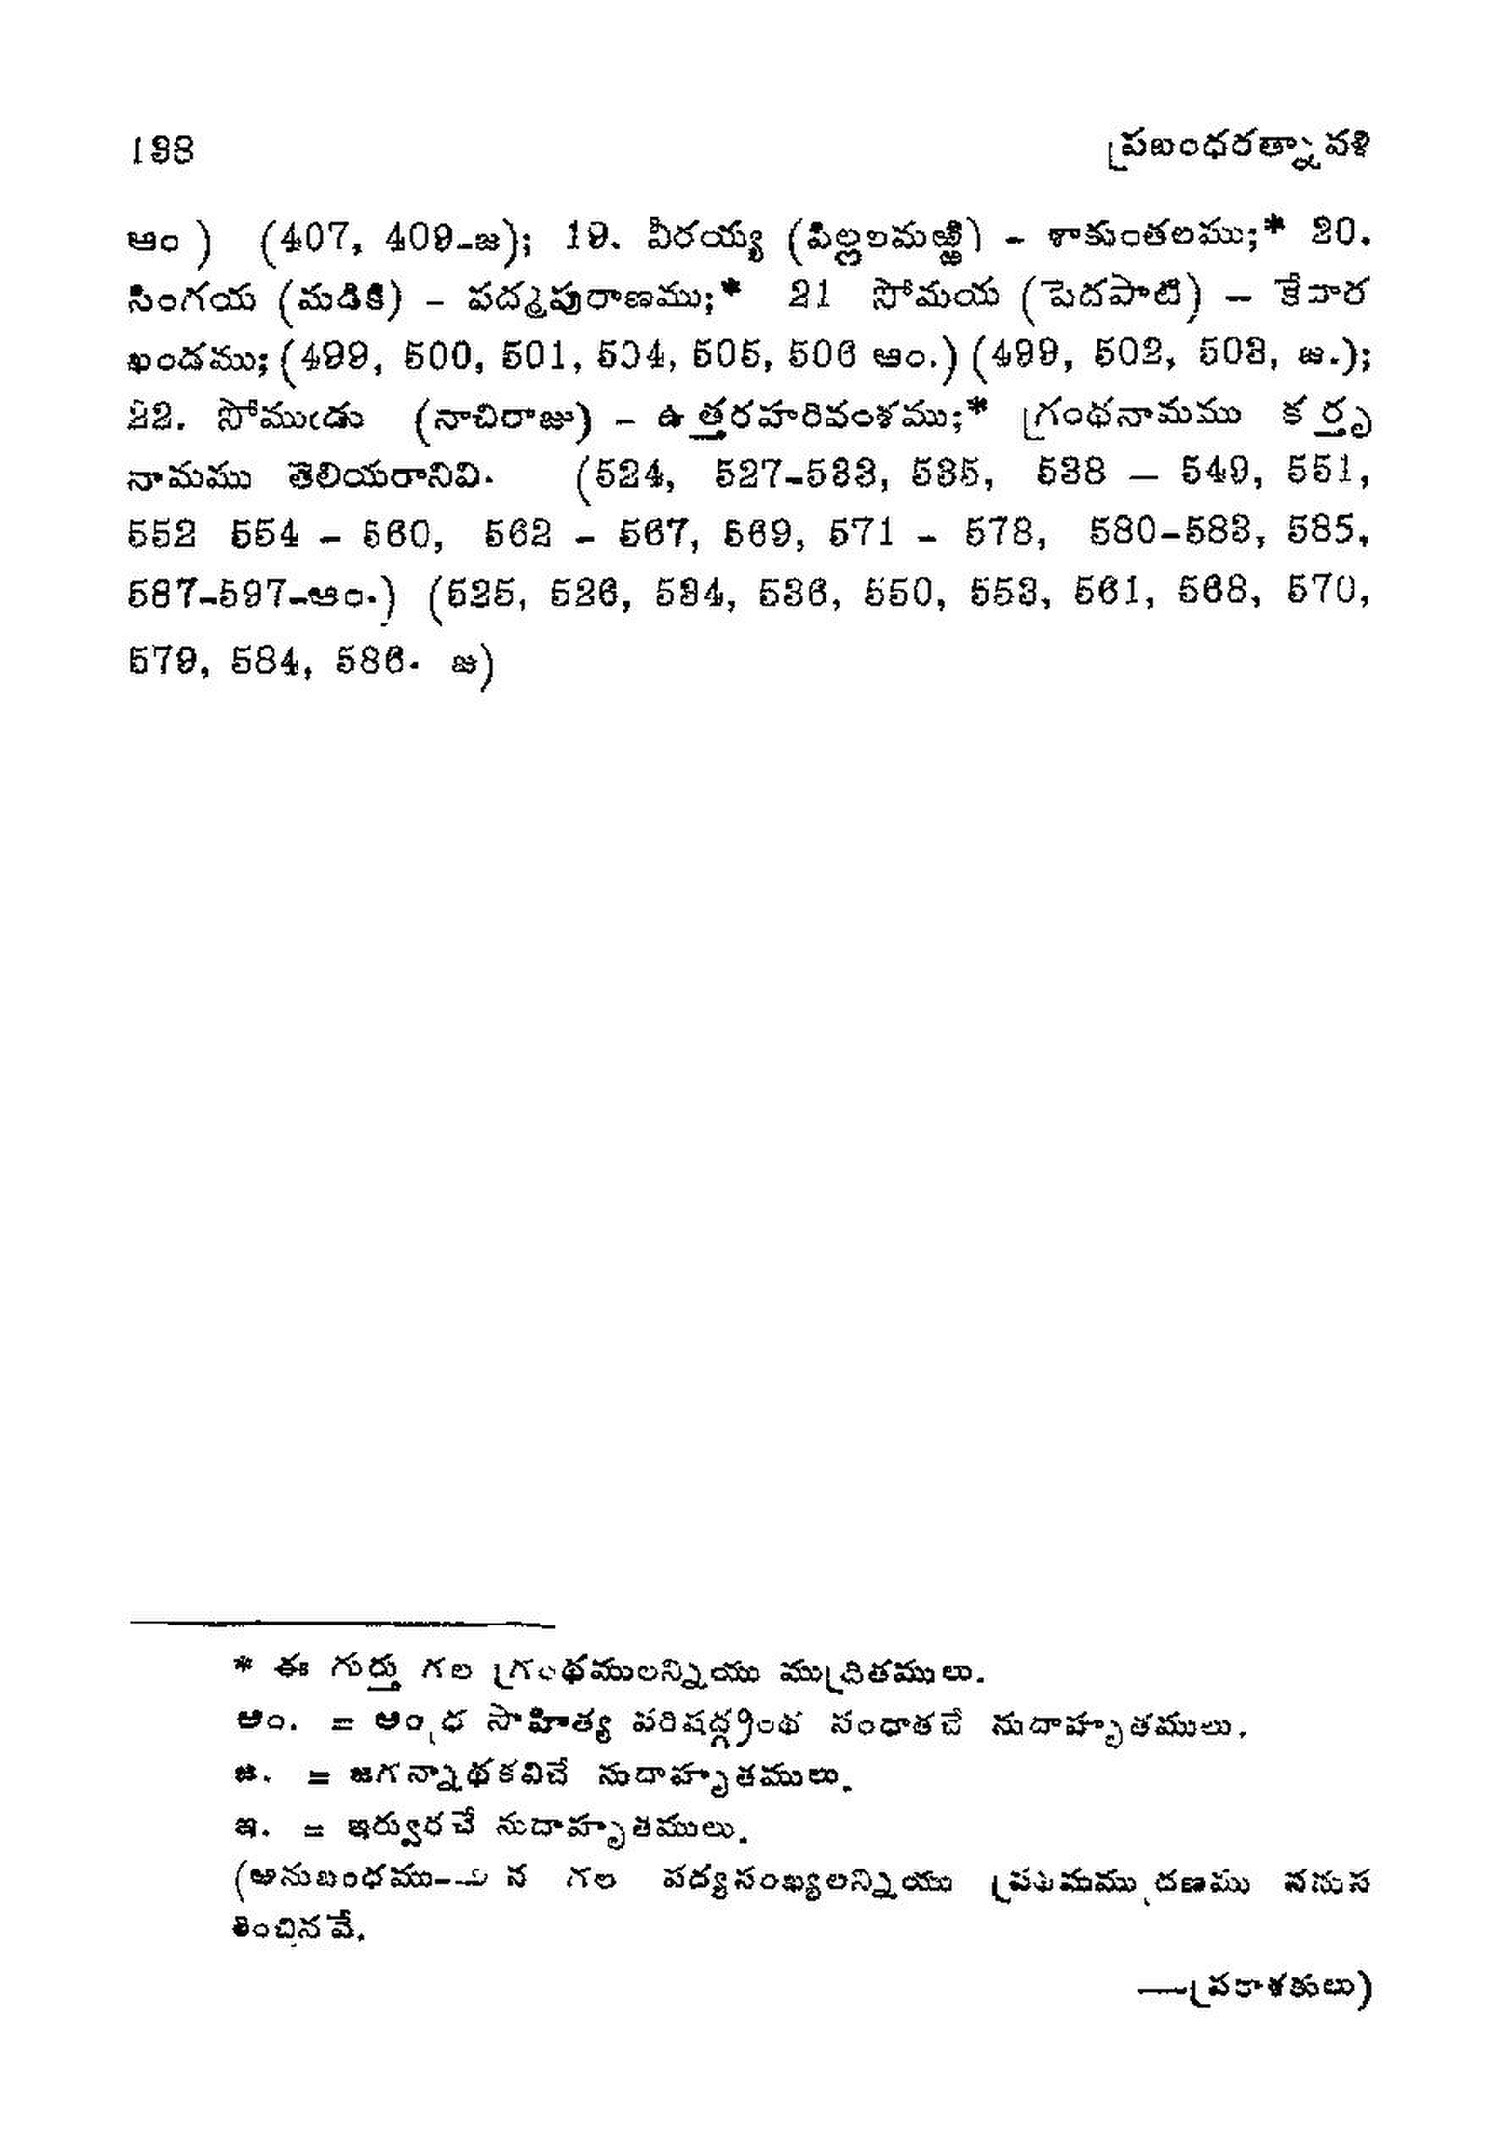అం) (407, 409-జ); 18. వీరయ్య (పిల్లలమజ్జి) - శాకుంతలము;* 20.
సింగయ (మడికి) - పద్మపురాణము; * 21 సోమయ (పెదపాటి) - కే పొర
ఖండము; (488, 500, 501, 534, 506, 508 ఆం.) (188, 502, 508, జ.);
22. సోముఁడు (నాచిరాజు) - ఉత్తరహరివంశము;* గ్రంథనామము కర్తృ
నామము తెలియరానివి. (524, 527-588, 506, 588 - 549, 551,
552 554 - 560, 562 587, 669, 571 - 578, 580-583, 585,
587-587-ఆం.) (596, 628, 584, 588, 550, 558, 561, 588, 670,
679, 584, 586. 2)
ఆం,

 ఈ గుర్తు గల గ్రంథములన్నియు ముద్రితములు.
అం. ఆంధ్ర సాహిత్య పరిషడ్జంథ సంధాత చే నుదాహృతములు ,
జ= జగన్నాథకవిచే సుదాహృతములు,
ఇర్వురచే నుదాహృతములు.
(అనుబంధము- 2 నగల పద్య సంఖ్యలన్నియు ప్రఖమము దణము ననుస
తించినవే.

ఇ.